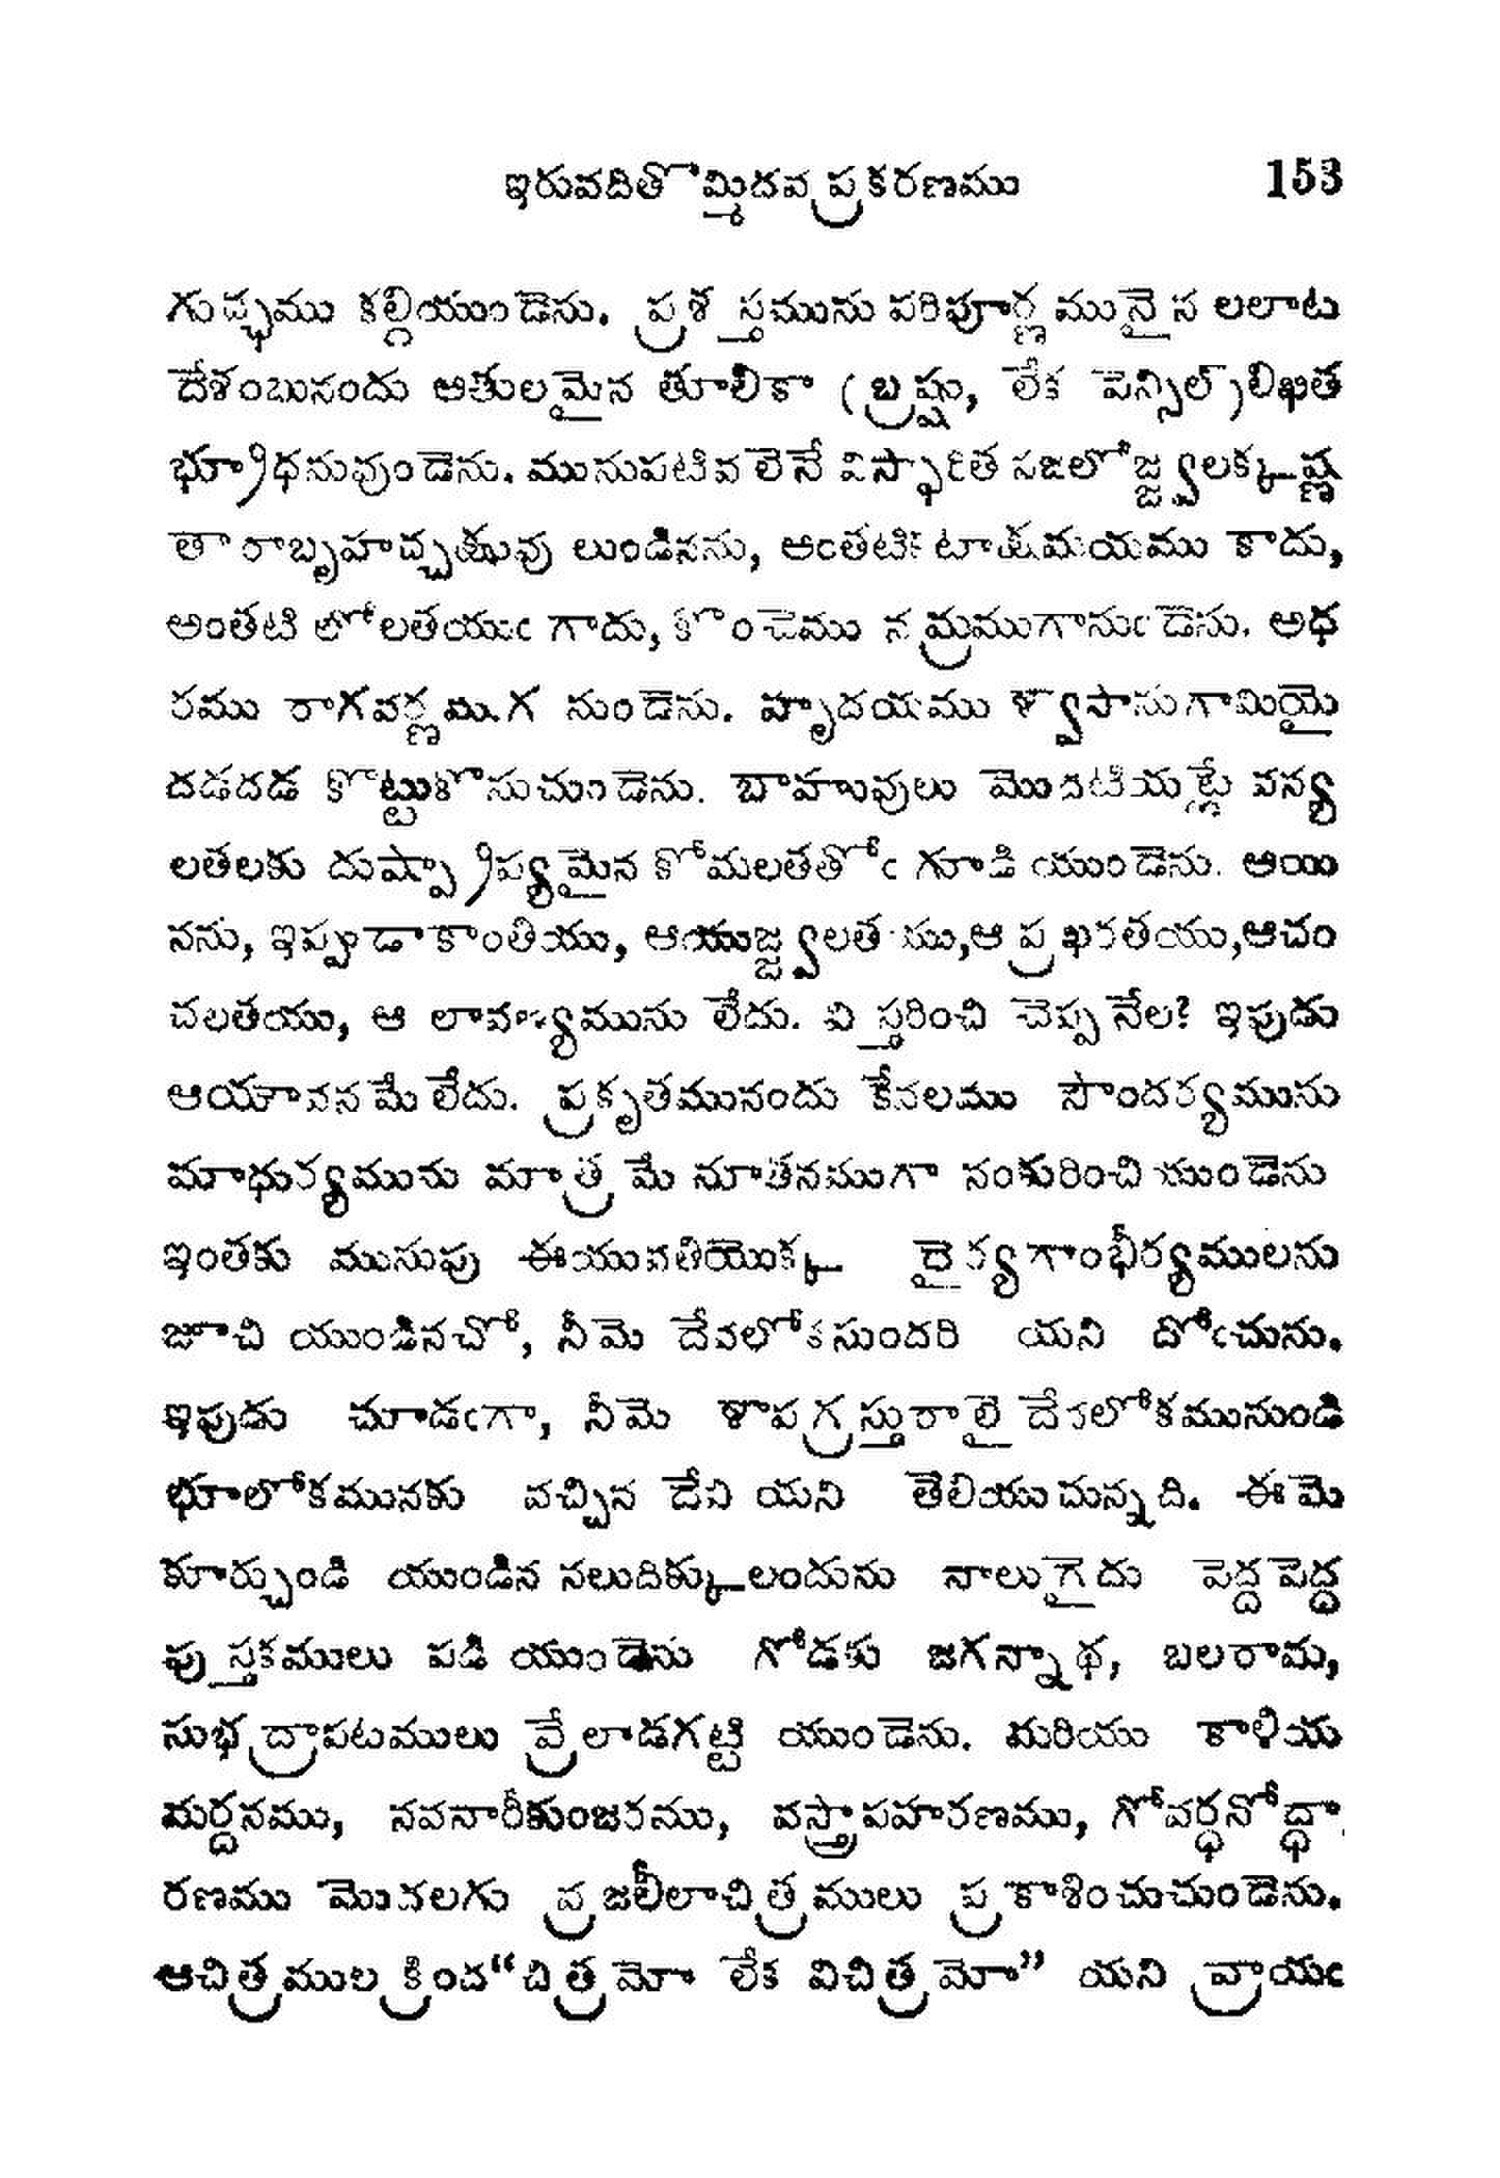గుచ్ఛము కల్గియుండెను. ప్రశస్తమును పరిపూర్ణమునైన లలాట దేశంబునందు ఆతులమైన తూలికా (బ్రష్షు,లేక పెన్సిల్) లిఖిత భ్రాధనువుండెను. మునుపటివలెనే విస్ఫారిత సజలోజ్జ్వలక్కష్ణ తారాబృహచ్చక్షువు లుండినను, అంతటి కటాక్షమయము కాదు, అంతటి లోలతయుఁ గాదు, కొంచెము నమ్రముగానుఁడెను. అధరము రాగవర్ణముగ నుండెను. హృదయము శ్వాసాను గామియై దడదడ కొట్టుకొనుచుండెను. బాహువులు మొదటియట్లే వన్యలతలకు దుష్ప్రాప్య మైన
కోమలతతోఁ గూడి యుండెను. అయినను, ఇప్పుడా కాంతియు, ఆ యుజ్జ్వలతయు,ఆ ప్రఖరతయు,ఆచంచలతయు, ఆ లావణ్యమును లేదు. విస్తరించి చెప్పనేల? ఇపుడు ఆయౌవనమే లేదు. ప్రకృతమునందు కేవలము సౌందర్యమును
మాధుర్యమును మాత్రమే నూతనముగా సంకురించి యుండెను ఇంతకు మునుపు ఈ యువతియొక్క దైర్య గాంభీర్యములను
జూచి యుండినచో, నీమె దేవలోకసుందరి యని దోచును. ఇపుడు చూడఁగా, నీమె శాపగ్రస్తురాలై దేవలోకమునుండి
భూలోకమునకు వచ్చిన దేవి యని తెలియుచున్నది. ఈమె కూర్చుండి యుండిన నలుదిక్కులందును నాలుగైదు పెద్ద పెద్ద
పుస్తకములు పడి యుండెను గోడకు జగన్నాథ, బలరామ, సుభద్రాపటములు వ్రేలాడగట్టి యుండెను. మరియు కాళియ
మర్దనము, నవనారీకుంజరము, వస్త్రాపహరణము, గోవర్ధనోద్ధారణము 'మొదలగు వ్రజలీలా చిత్రములు ప్రకాశించుచుండెను.
ఆచిత్రముల క్రింద “చిత్రమో లేక విచిత్రమో” యని వ్రాయం